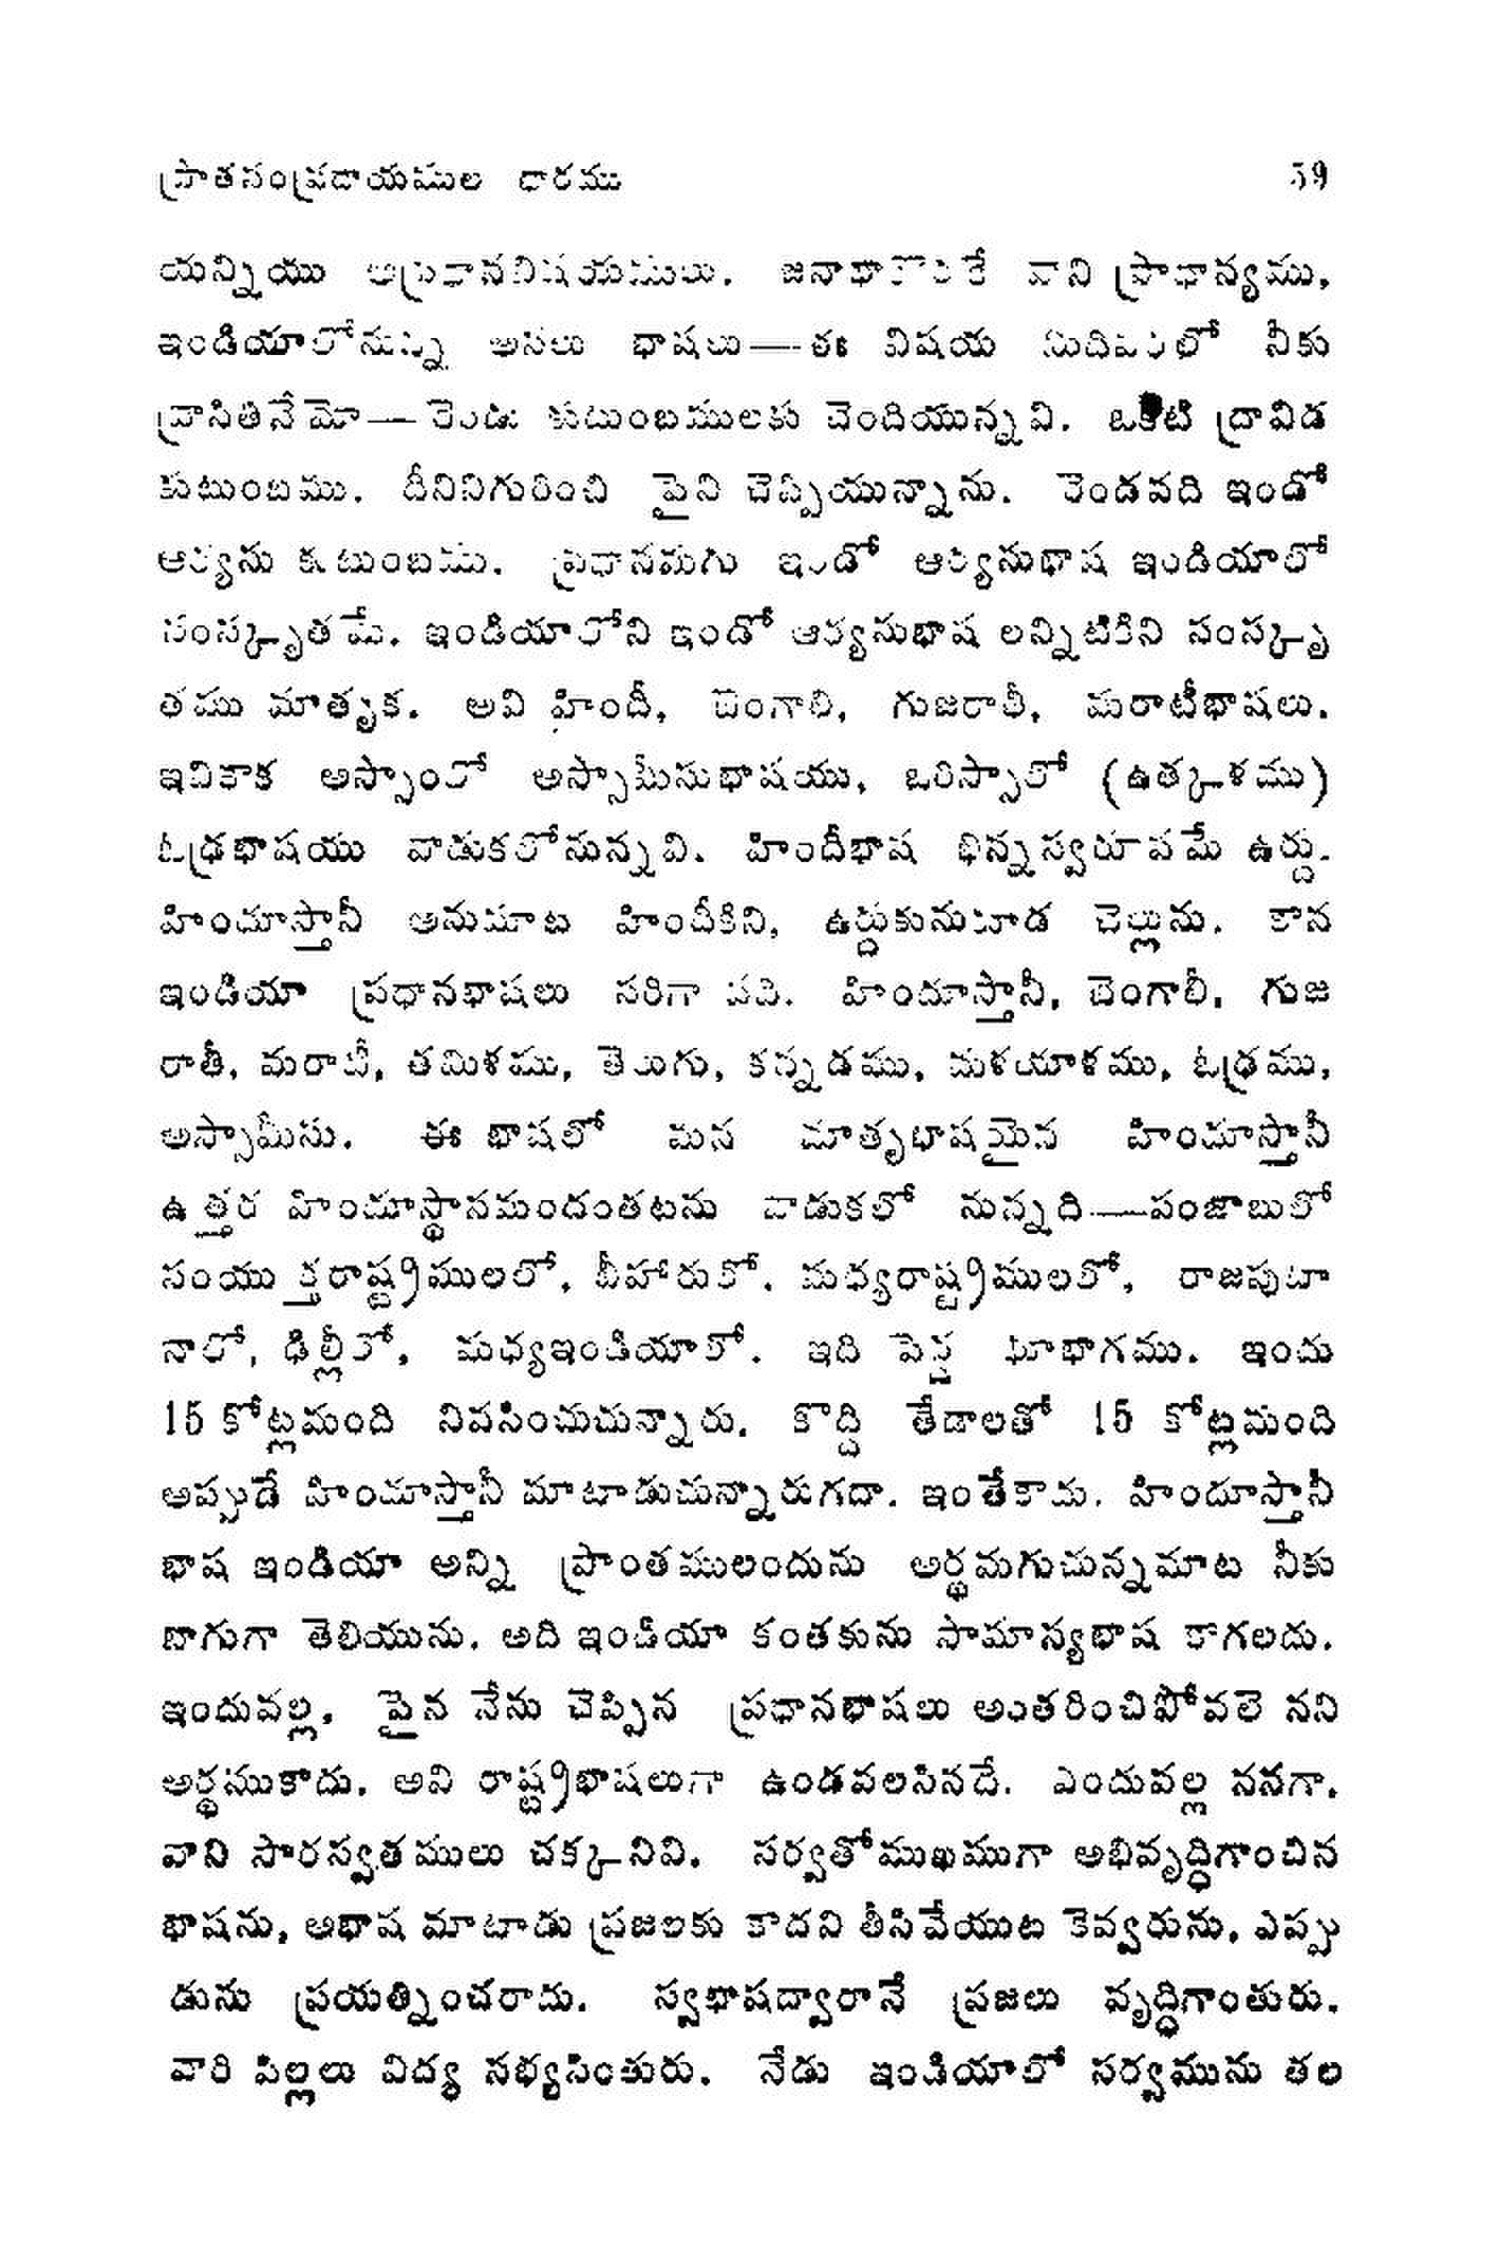యన్నియు అప్రధానవిషయములు. జనాభాకొరకే వాని ప్రాధాన్యము, ఇండియాలోనున్న అసలు భాషలు — ఈ విషయ మిదివరలో నీకు వ్రాసితినేమో - రెండు కుటుంబములకు చెందియున్నవి. ఒకటి ద్రావిడ కుటుంబము. దీనిని గురించి పైని చెప్పియున్నాను. వెండవది ఇండో ఆర్యను కుటుంబయి. ప్రధానమగు ఇండో ఆర్యనుభాష ఇండియాలో సంస్కృతమే. ఇండియాలోని ఇండో ఆర్యనుభాష లన్నిటికిని సంస్కతము మాతృక. అవి హిందీ, బెంగాలి, గుజరాతీ, మరాటీ భాషలు, ఇవికాక అస్సాంలో అస్సామీసు భాషయు, ఒరిస్సాలో (ఉత్కళము) ఓడ్ర భాషయు వాడుకలోనున్నవి. హిందీభాష భిన్నస్వరూపమే ఉర్దు. హించూస్తానీ అనుమాట హిందీకిని, ఉర్దుకునుకూడ చెల్లును. కాన ఇండియా ప్రధానభాషలు సరిగా పది. హిందూస్తానీ, బెంగాలీ, గుజరాతీ, మరాటీ, తమిళము, తెలుగు, కన్నడము, మళయాళము, ఓడ్రము, అస్సామీను. ఈ భాషలో మన మాతృభాషయైన హిందూస్తానీ ఉత్తర హిందూస్థానమందంతటను వాడుకలో నున్నది - పంజాబులో సంయుక్త రాష్ట్రములలో, బీహారులో. మధ్యరాష్ట్రములలో, రాజపుటానాలో, ఢిల్లీలో, మధ్య ఇండియాలో. ఇది పెద్ద భూభాగము. ఇంచు 15 కోట్ల మంది నివసించుచున్నారు. కొద్ది తేడాలతో 15 కోట్ల మంది అప్పుడే హించూస్తానీ మాటాడుచున్నారుగదా. ఇంతేకాదు. హిందూస్తానీ భాష ఇండియా అన్ని ప్రాంతములందును అర్థమగుచున్నమాట నీకు బాగుగా తెలియును. అది ఇండియా కంతకును సామాన్య భాష కాగలదు. ఇందువల్ల, పైన నేను చెప్పిన ప్రధానభాషలు అంతరించిపోవలె నని అర్థముకాదు. అవి రాష్ట్రభాషలుగా ఉండవలసినదే. ఎందువల్ల ననగా. వాని సారస్వతములు చక్కనివి. సర్వతోముఖముగా అభివృద్ధిగాంచిన భాషను, అభాష మాటాడు ప్రజలకు కాదని తీసివేయుట కెవ్వరును. ఎప్పుడును ప్రయత్నించరాదు. స్వభాషద్వారానే ప్రజలు వృద్ధిగాంతురు. వారి పిల్లలు విద్య నభ్యసింతురు. నేడు ఇండియాలో సర్వమును తల